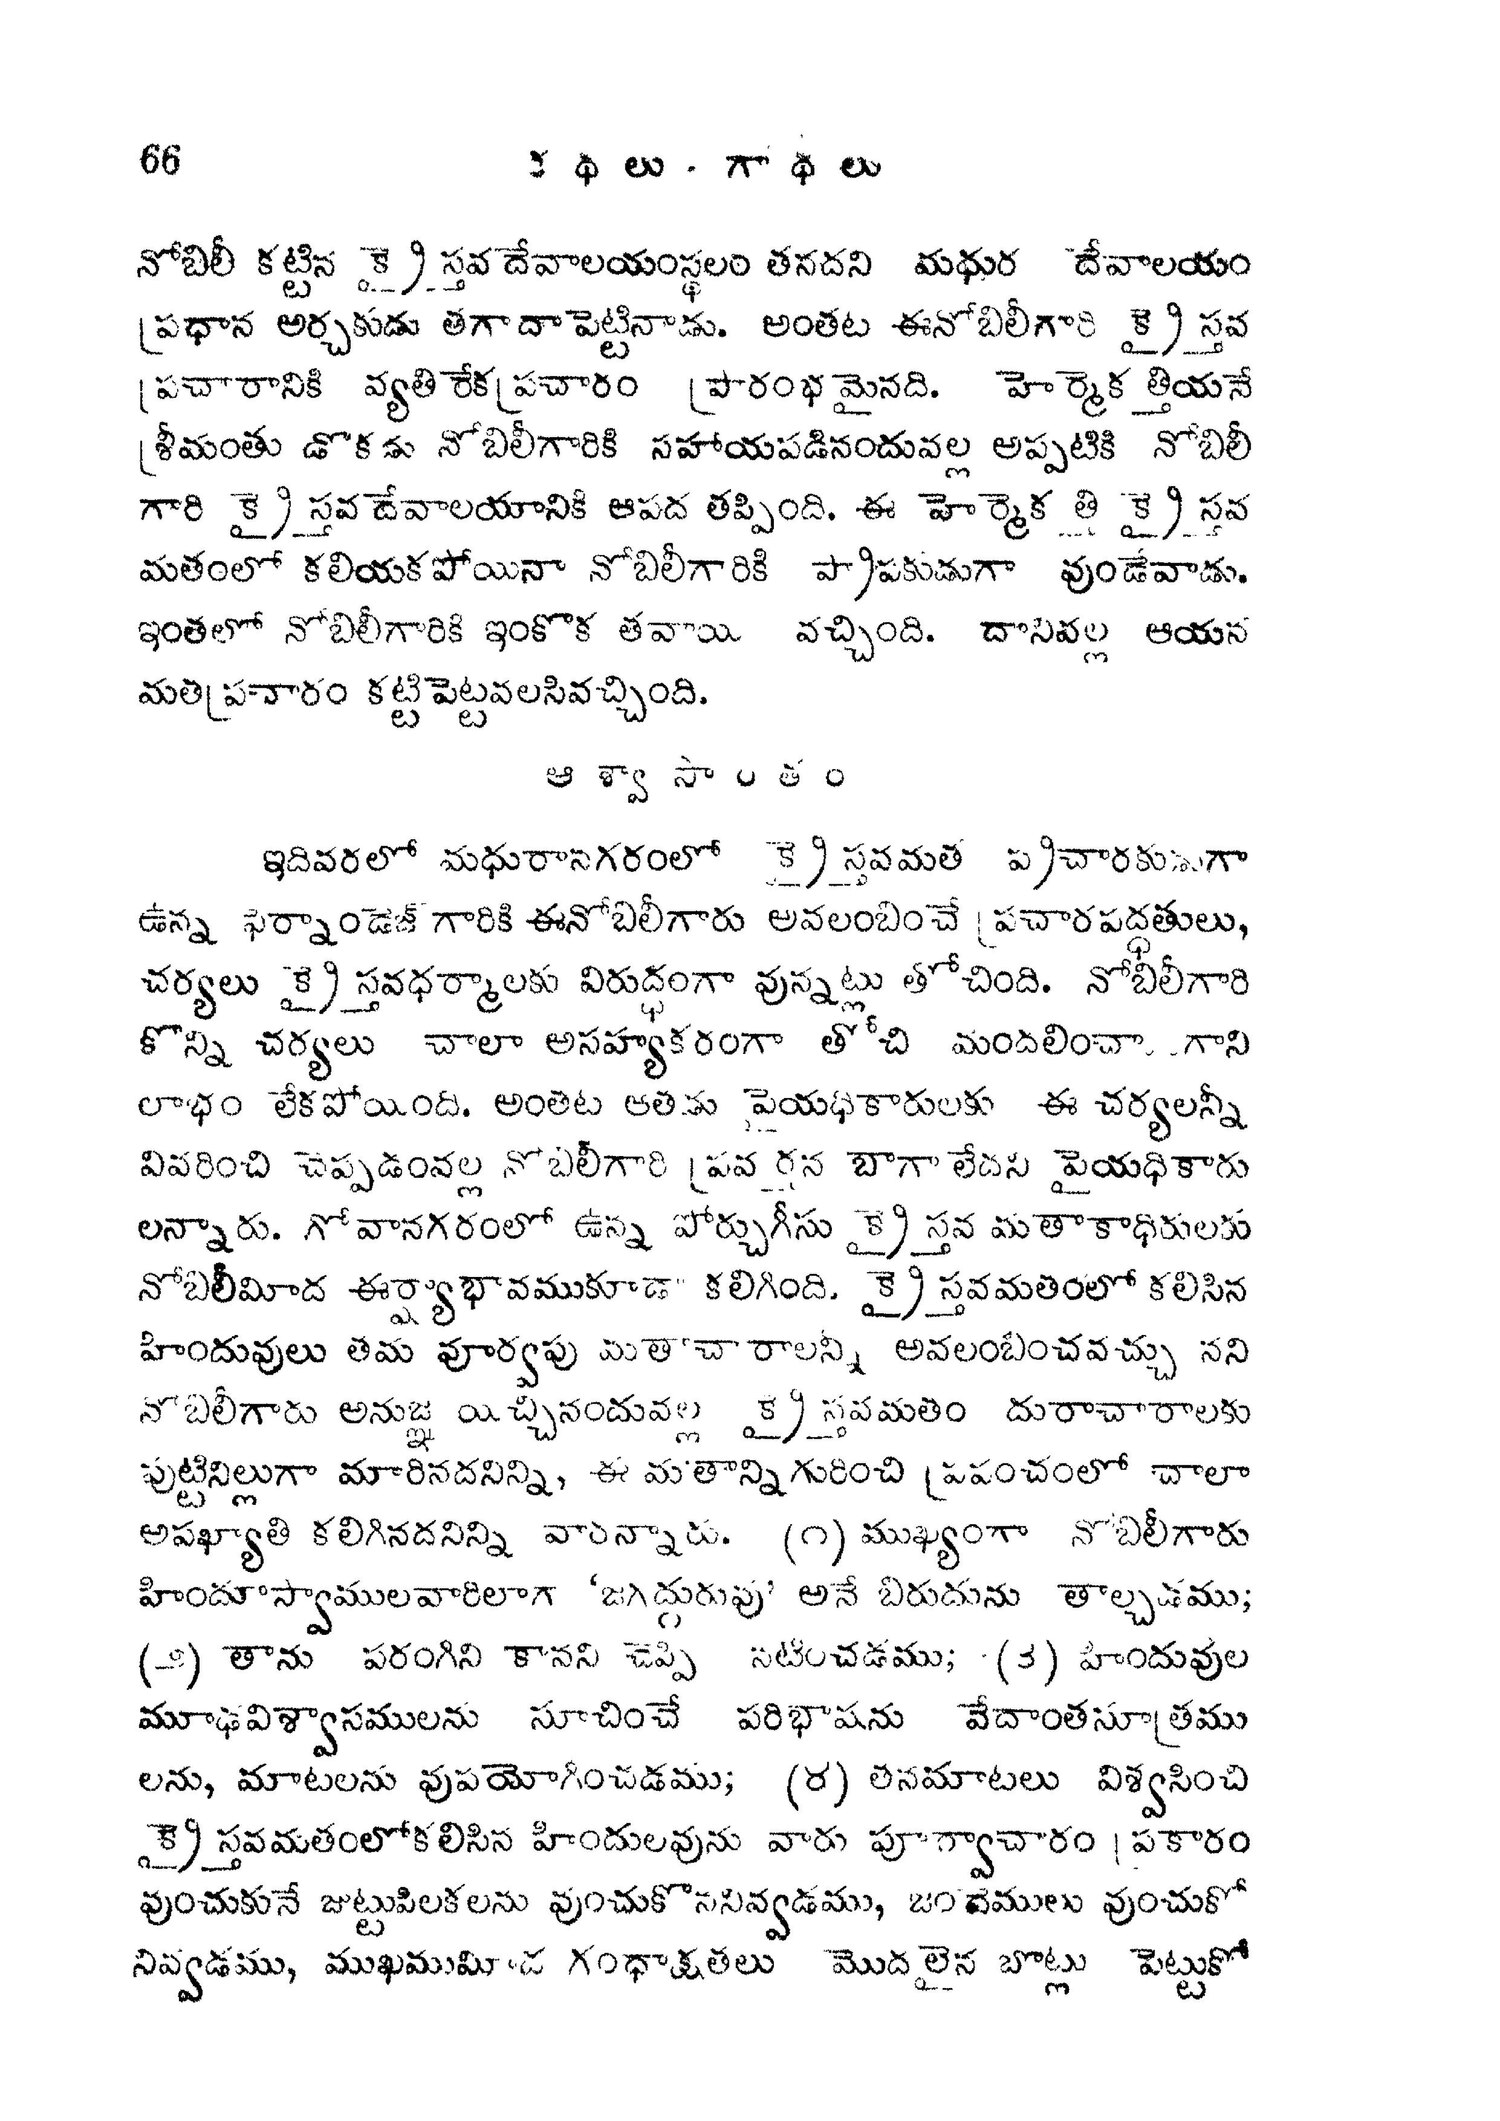నోబిలీ కట్టిన క్రైస్తవ దేవాలయంస్థలం తనదని మధుర దేవాలయం ప్రధాన అర్చకుడు తగాదాపెట్టినాడు. అంతట ఈనోబిలీగారి క్రైస్తవ ప్రచారానికి వ్యతిరేక ప్రచారం ప్రారంభమైనది. హెర్మేకత్తియనే శ్రీమంతు డొకడు నోబిలీగారికి సహాయ పడినందువల్ల అప్పటికి నోబిలీ గారి క్రైస్తవదేవాలయానికి ఆపద తప్పింది. ఈ హెర్మెకత్తి క్రైస్తవమతంలో కలియకపోయినా నోబిలీగారికి ప్రాపకుడుగా వుండేవాడు. ఇంతలో నోబిలీగారికి ఇంకొక తవాయి వచ్చింది. దానివల్ల ఆయన మతప్రచారం కట్టిపెట్టవలసివచ్చింది.

ఇదివరలో మధురానగరంలో క్రైస్తవమత ప్రచారకునిగా ఉన్న ఫర్నాండజ్ గారికి ఈనోబిలీగారు అవలంబించే ప్రచారపద్ధతులు, చర్యలు క్రైస్తవధ్రర్మాలకు విరుద్ధంగా వున్నట్లు తోచింది. నోబిలీగారి కొన్ని చర్యలు చాలా అసహ్యకరంగ తోచి మందలించినా గాని లాభం లేకపోయింది. అంతట పైయధికారులకు ఈ చర్యలన్నీ వివరించి చెప్పడంవల్ల నోబిలీగారి ప్రవర్తన బాగాలేదని పైఅధికారులన్నారు. గోవానగరంలో ఉన్న పోర్చుగీసు క్రైస్తవమతాధికారులకు నోబిలీమీద ఈర్హ్యాభావముకూడా కలిగింది. క్రైస్తవమతంలో కలిసిన హిందువులు తమ పూర్వపు మతాచారాలన్ని అవలంబించవచ్చు నని నోబిలీగారు అనుజ్ఞ యిచ్చినందువల్ల క్రైస్తవమతం దురాచారాలకు పుట్టినిల్లుగా మారినదనిన్ని, ఈమతాన్నిగురించి ప్రపంచములో చాలా అపఖ్యాతి కలిగినదనిన్ని వారన్నారు. (1)ముఖ్యంగా నోబిలీగారు హిందూస్వాములవారిలాగ 'జగద్గురువు ' అనే బిరుదును తాల్చడము, (2) తాను పరంగిని కానని చెప్పి నటించడము (3) హిందువుల మూఢవిశ్వాసములను సూచించే పరిభాషను వేదాంతసూత్రము లను, మాటలను వుపయోగించడము, (4)తనమాటలు విశ్వసించి క్రైస్తవమతంలోకలిసిన హిందువులనువారు పూర్వాచారం ప్రకారం వుంచుకునే జుట్టుపిలకలను వుంచుకొనివ్వడము, జందెములు వుంచుకోనివ్వడము, ముఖముమీద గంధాక్షితలు మొదలైన బొట్లు పెట్టుకో